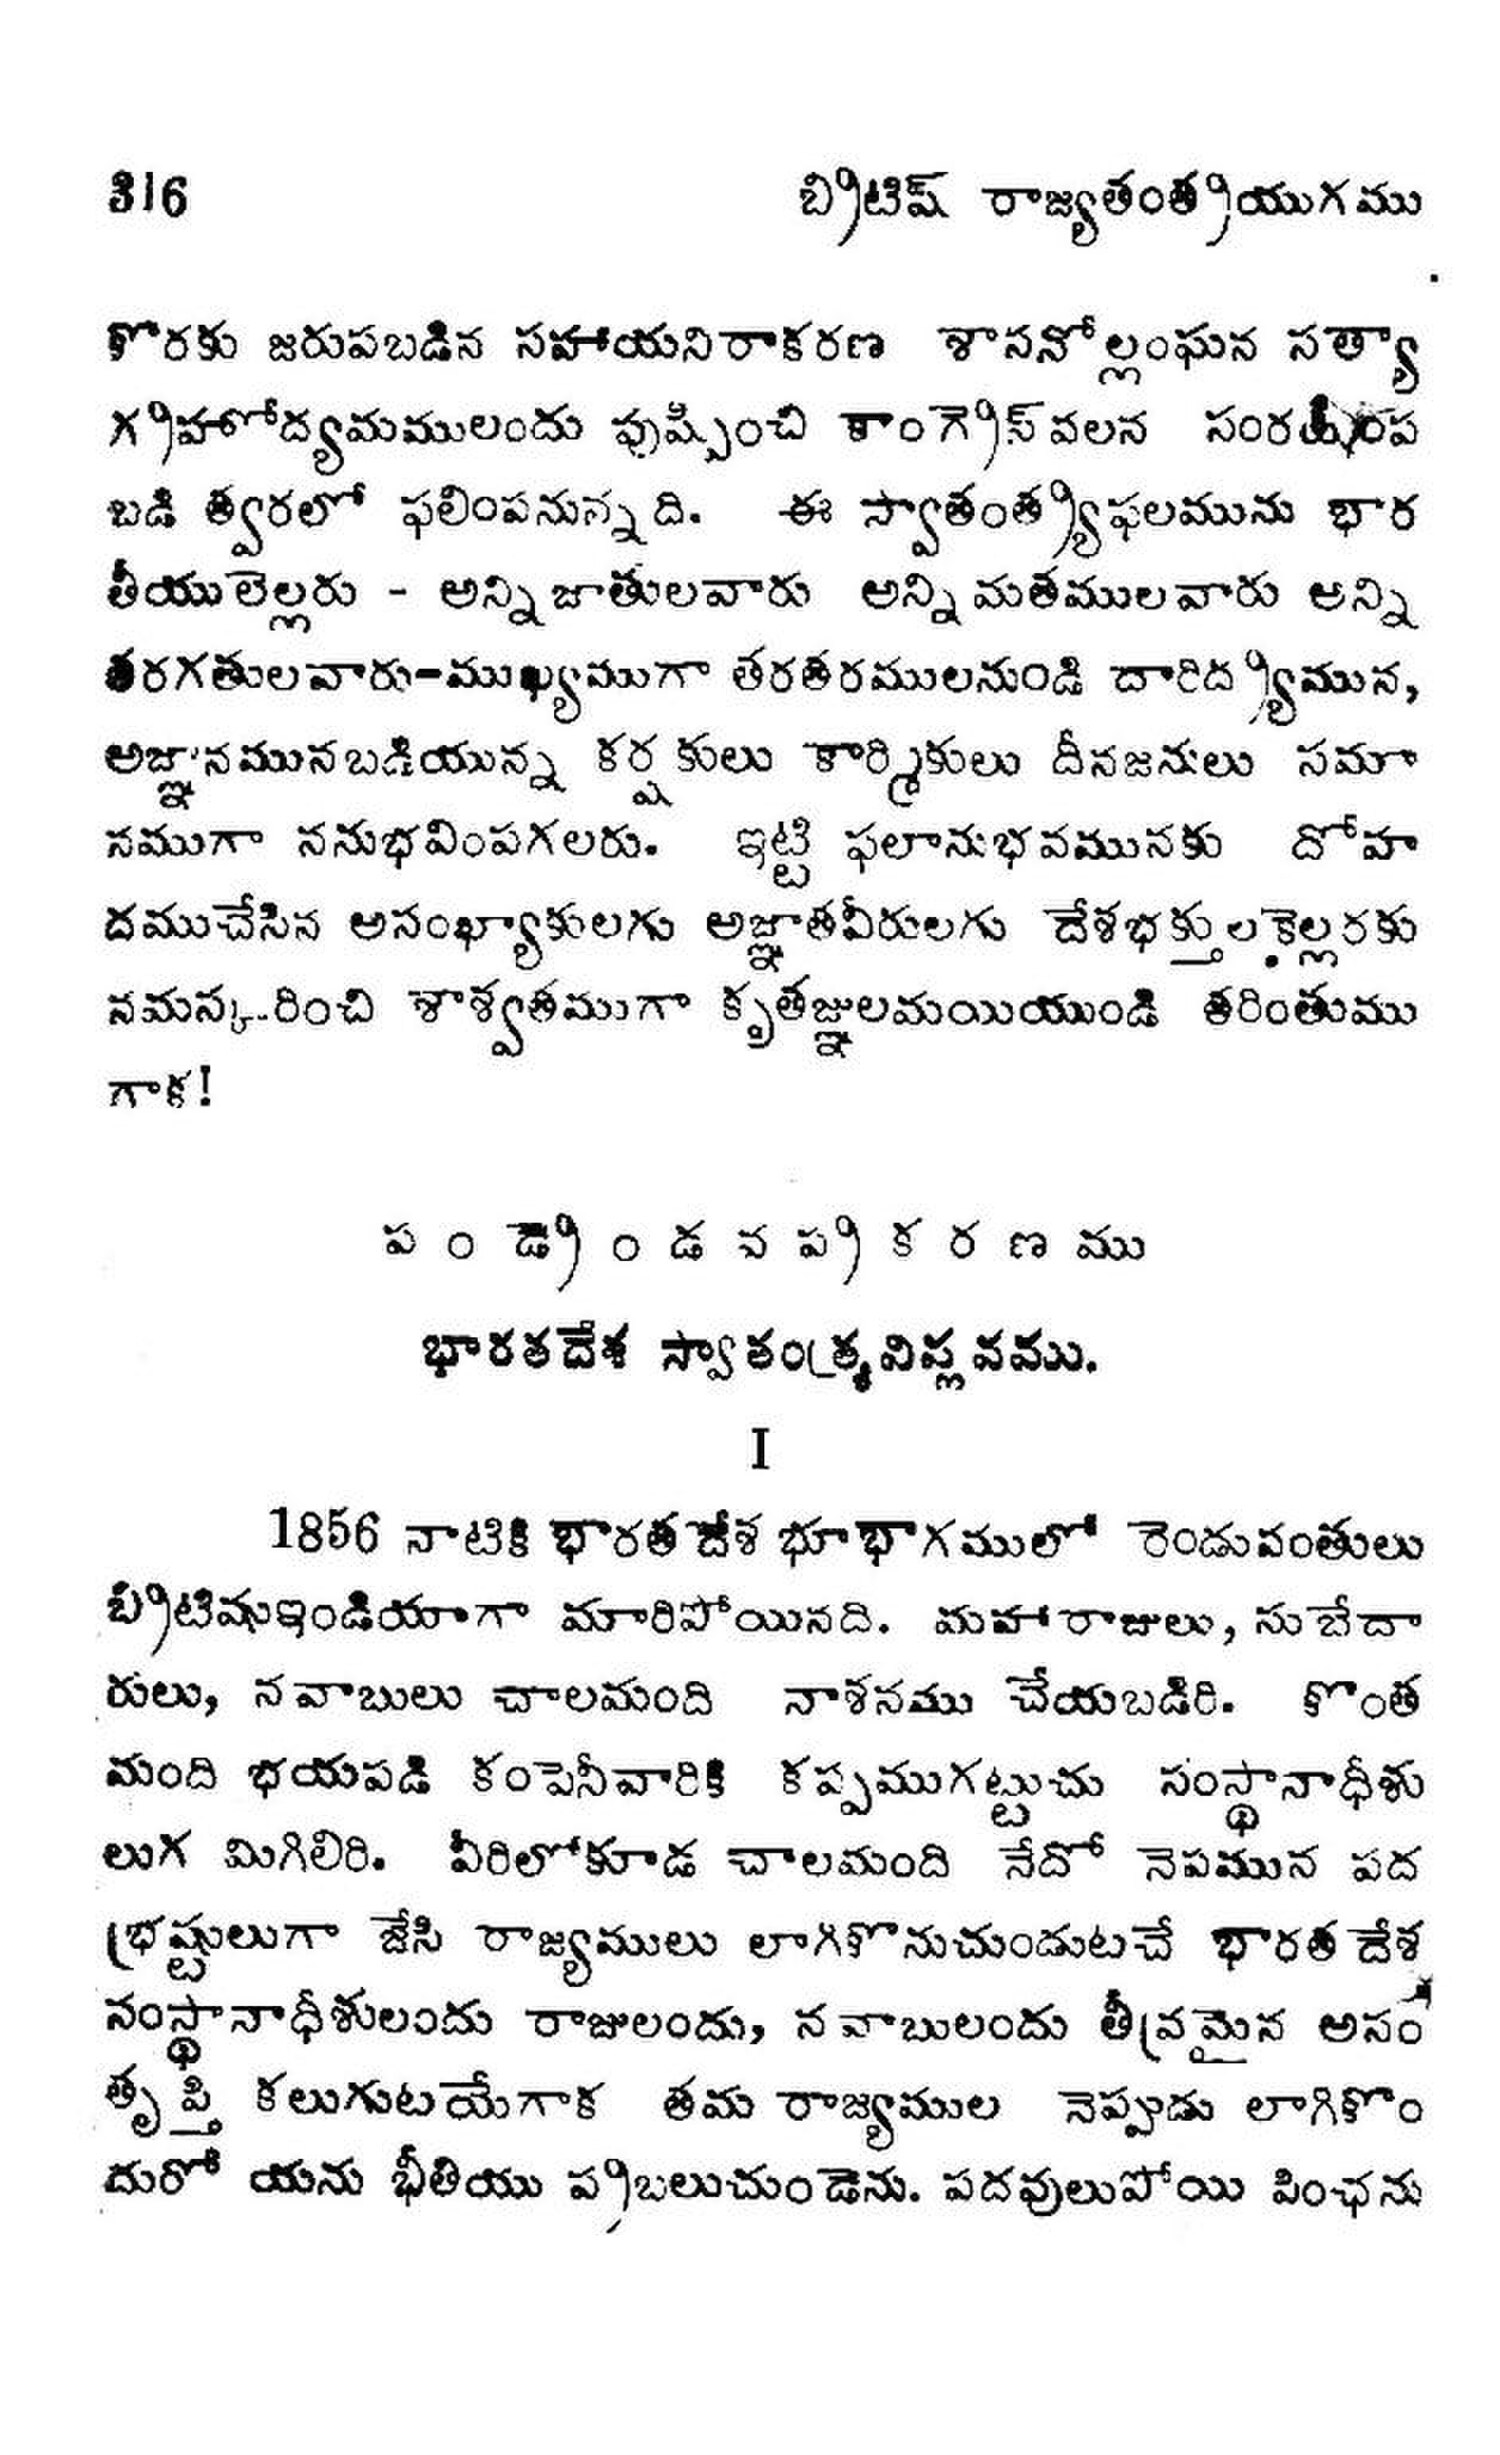కొరకు జరుపబడిన సహాయనిరాకరణ శాసనోల్లంఘన సత్యాగ్రహోద్యమములందు పుష్పించి కాంగ్రెస్‌వలన సంరక్షింపబడి త్వరలో ఫలింపనున్నది. ఈ స్వాతంత్ర్యఫలమును భారతీయులెల్లరు - అన్నిజాతులవారు అన్నిమతములవారు అన్నితరగతులవారు - ముఖ్యముగా తరతరములనుండి దారిద్ర్యమున, అజ్ఞానమునబడియున్న కర్షకులు కార్మికులు దీనజనులు సమానముగా ననుభవింపగలరు. ఇట్టి ఫలానుభవమునకు దోహదముచేసిన అసంఖ్యాకులగు అజ్ఞాతవీరులగు దేశభక్తులకెల్లరకు నమస్కరించి శాశ్వతముగా కృతజ్ఞులమయియుండి తరింతుము గాక!

పండ్రెండవ ప్రకరణము
భారతదేశ స్వాతంత్ర్యవిప్లవము.
I

1856 నాటికి భారతదేశ భూభాగములో రెండువంతులు బ్రిటిషుఇండియాగా మారిపోయినది. మహారాజులు , సుబేదారులు, నవాబులు చాలమంది నాశనము చేయబడిరి. కొంతమంది భయపడి కంపెనీవారికి కప్పముగట్టుచు సంస్థానాధీశులుగ మిగిలిరి. వీరిలోకూడ చాలమంది నేదో నెపమున పదభ్రష్టులుగా జేసి రాజ్యములు లాగికొనుచుండుటచే భారతదేశ సంస్థానాధీశులందు రాజులందు, నవాబులందు తీవ్రమైన అసంతృప్తి కలుగుటయేగాక తమ రాజ్యముల నెప్పుడు లాగికొందురో యను భీతియు ప్రబలుచుండెను. పదవులుపోయి పింఛను